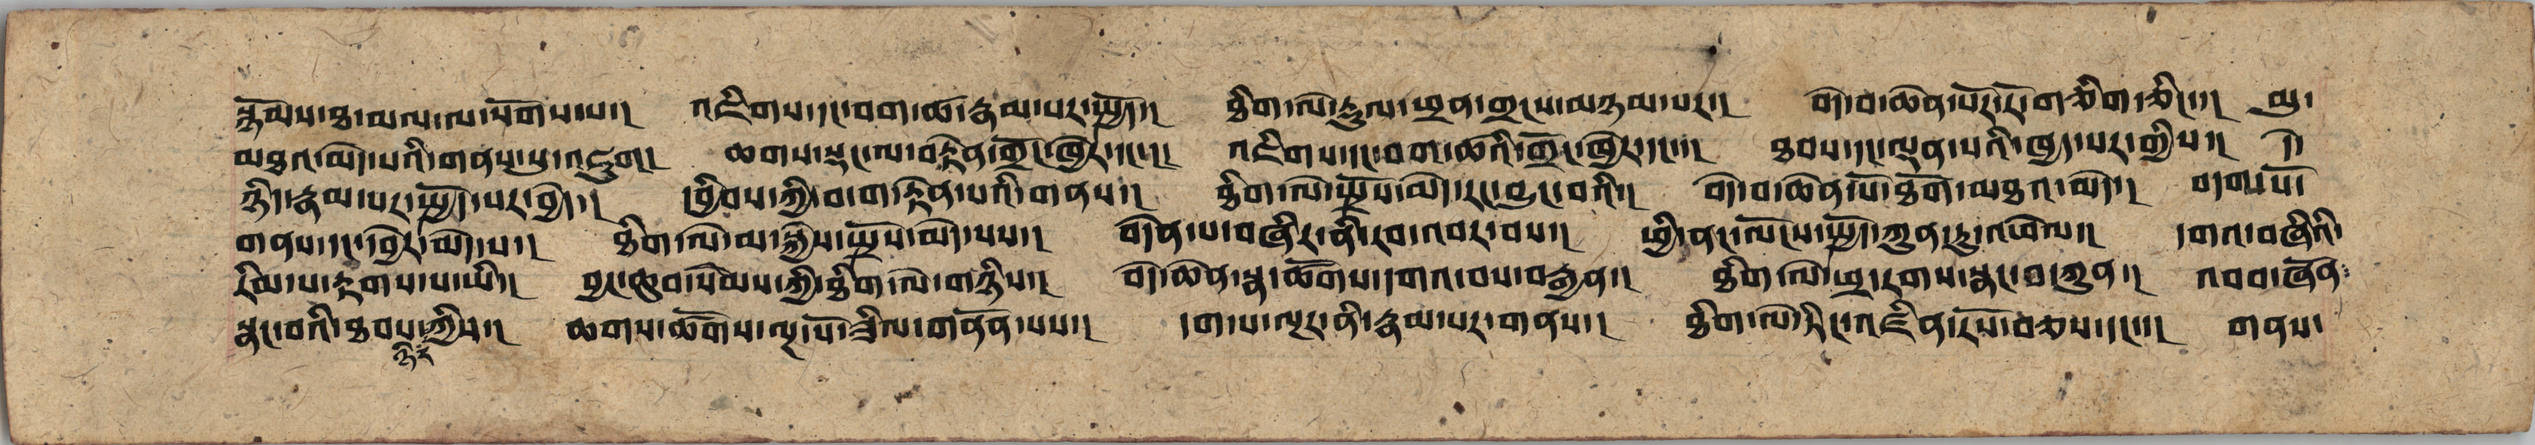སྙོམས་ཐ་མལ་ལ་སོགས་པ་། འཇིགས་དང་བག་ཚ་རྣམ་པར་སྤྱོད་། ཐིག་ལེ་རྡུལ་ཕྲན་གྲངས་མཉམ་པར་། བདེ་བ་ཆེན་པོར་རོ་གཅིག་ཅིང་། མུ་
མཐའ་མེད་པའི་གནས་སུ་འཇུག། ཆགས་སྡང་ལ་བརྟེན་གྲོང་ཁྱེར་དང་།།། འཇིགས་དང་བག་ཚའི་གྲོང་ཁྱེར་དང་་། ཐབས་དང་ལྡན་པའི་ཁྱད་པར་གྱིས་། དེ་
ཉིད་རྣམ་པར་སྤྱོད་པར་བྱེད་། དབྱིབས་ཀྱི་བ་ག་རྟེན་པའི་གནས་། ཐིག་ལེ་སྤྲོས་མེད་རང་བྱུང་བའི་། བདེ་བ་ཆེན་པོ་ཐོག་མཐའ་མེད་། བདག་པོ་
གནས་དང་དབྱེར་མེད་པ་། ཐིག་ལེ་མ་སྐྱེས་སྤྲོས་མེད་པས་། བདེན་པ་བཞིར་ནི་རབ་འབར་བས་། ཕྱི་ནང་ལོངས་སྤྱོད་ཀུན་ཏུ་འཕེལ་། དགའ་བཞིའི་
རིམ་པ་རྟགས་པ་ཡི་། བྱང་ཆུབ་སེམས་ཀྱི་ཐིག་ལེ་གཉིས་། བདེ་ཆེན་སྣ་ཚོགས་དགའ་བས་བརྒྱན་། ཐིག་ལེ་ཕྲ་རགས་སྣང་བ་ཀུན་། འབབ་ཞོན༴
སྣང་བའི་ཐབས་ཉིད་ཀྱིས་། ཆགས་ཚོགས་ལྔ་པོ་ཟིལ་གནོན་པས་། དག་པ་ལྔར་ནི་རྣམ་པར་གནས་། ཐིག་ལེ་ཏིང་འཛིན་རོས་བཅས་དང་་། གནས་